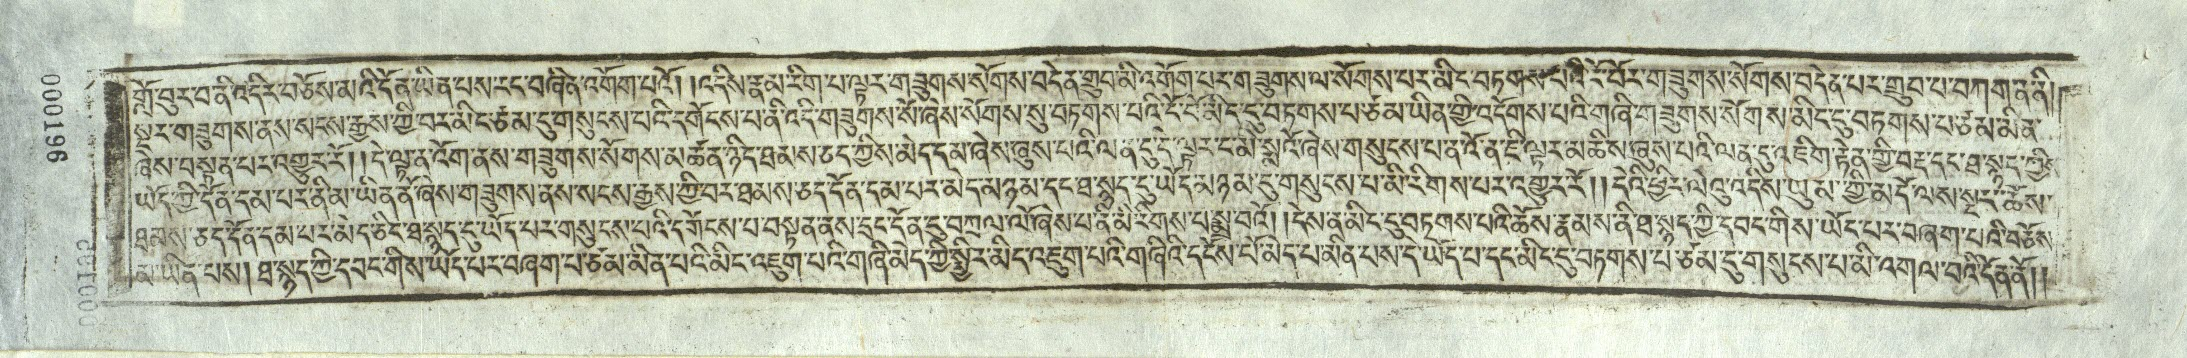གློ་བུར་བ་ནི་འདིར་བཅོས་མའི་དོན་ཡིན་པས་རང་བཞིན་འགོག་པའོ། །འདིས་རྣམ་རིག་པ་ལྟར་གཟུགས་སོགས་བདེན་གྲུབ་མི་འགོག་པར་གཟུགས་ལ་སོགས་པར་མིང་བཏགས་པའི་ངོ་བོར་གཟུགས་སོགས་བདེན་པར་གྲུབ་པ་བཀག་ན་ནི།
སྔར་?་གཟུགས་ནས་སངས་རྒྱས་ཀྱི་བར་མིང་ཙམ་དུ་གསུངས་པའི་དགོངས་པ་ནི་འདི་གཟུགས་སོ་ཞེས་སོགས་སུ་བཏགས་པའི་ངོ་བོ་མིང་དུ་བཏགས་པ་ཙམ་ཡིན་གྱི་འདོགས་པའི་གཞི་གཟུགས་སོགས་མིང་དུ་བཏགས་པ་ཙམ་མིན་
ཞེས་བསྟན་པར་འགྱུར་རེ། །དེ་ལྟ་ན་འོག་ནས་གཟུགས་སོགས་མཚན་ཉིད་ཐམས་ཅད་ཀྱིས་མེད་དམ་ཞེས་ཞུས་པའི་ལན་དུ་དེ་ལྟར་ང་མི་སྨྲའོ་ཞེས་གསུངས་པ་ན་འོ་ན་ཇི་ལྟར་མཆིས་ཞུས་པའི་ལན་དུ་འཇིག་རྟེན་གྱི་བརྡ་དང་ཐ་སྙད་ཀྱིས་
ཡོད་ཀྱི་དོན་དམ་པར་ནི་མ་ཡིན་ནོ་ཞེས་གཟུགས་ནས་སངས་རྒྱས་ཀྱི་བར་ཐམས་ཅད་དོན་དམ་པར་མེད་མཉམ་དང་ཐ་སྙད་དུ་ཡོད་མཉམ་དུ་གསུངས་པ་མི་རིགས་པར་འགྱུར་རོ། །དེའི་ཕྱིར་ལེའུ་འདིས་ཡུམ་གྱི་མདོ་ལས་སྔར་ཆོས་
ཐམས་ཅད་དོན་དམ་པར་མེད་ཅིང་ཐ་སྙད་དུ་ཡོད་པར་གསུངས་པའི་དགོངས་པ་བསྟན་ནས་དྲང་དོན་དུ་བཀྲལ་ལོ་ཞེས་པ་ནི་མི་རིགས་པ་སྨྲ་བའོ། །དེས་ན་མིང་དུ་བཏགས་པའི་ཆོས་རྣམས་ནི་ཐ་སྙད་ཀྱི་དབང་གིས་ཡོད་པར་བཞག་པའི་བཅོས་
མ་ཡིན་པས། ཐ་སྙད་ཀྱི་དབང་གིས་ཡོད་པར་བཞག་པ་ཙམ་མིན་པའི་མིང་འཇུག་པའི་གཞི་མེད་ཀྱི་སྤྱིར་མིང་འཇུག་པའི་གཞིའི་དངོས་པོ་མེད་པ་མིན་པས་དེ་ཡིད་པ་དང་མིང་དུ་བཏགས་པ་ཙམ་དུ་གསུངས་པ་མི་འགལ་བའི་དོན་ནོ། །